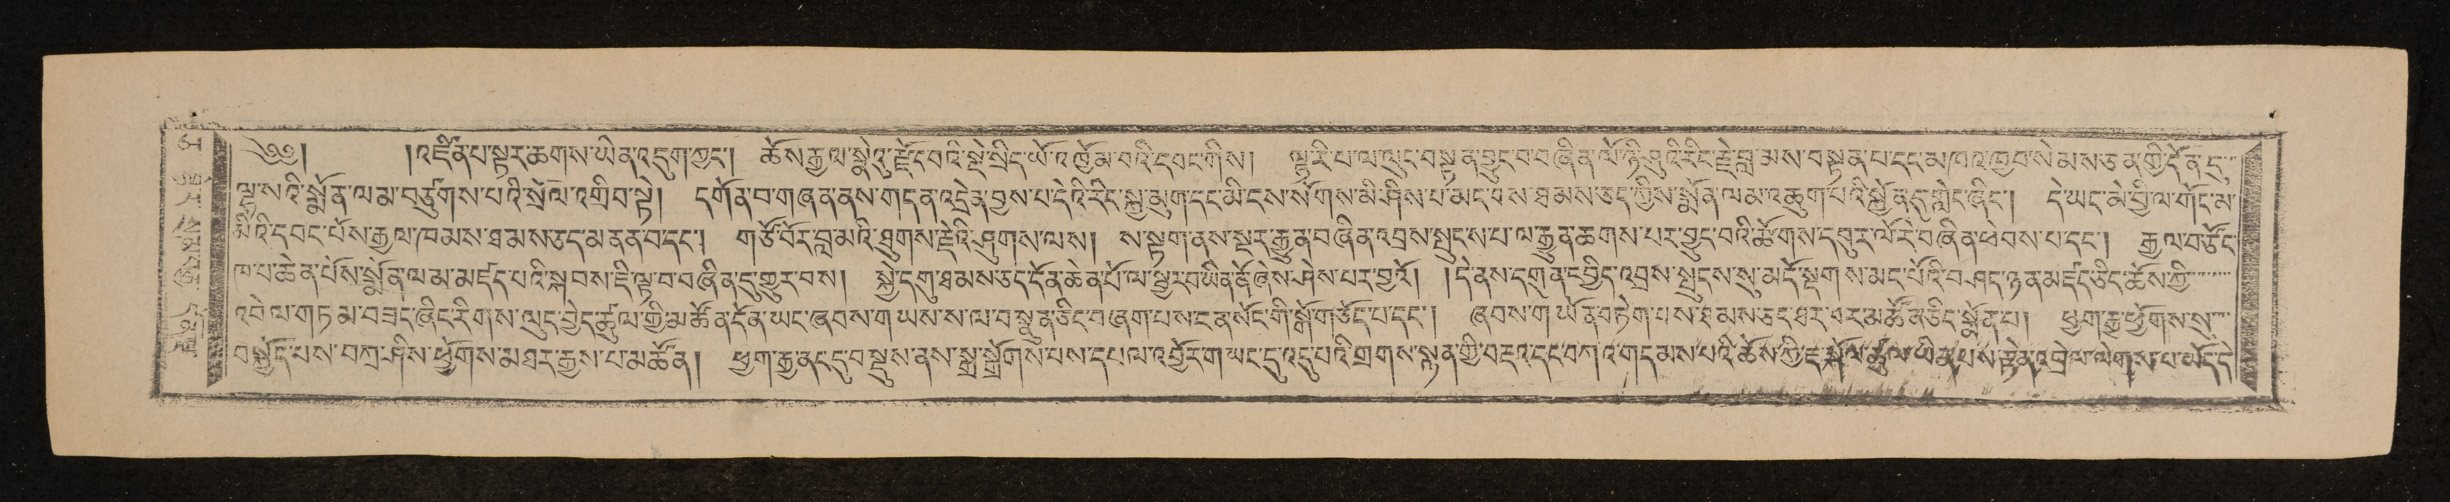༄༅། །འཛིན་པ་སྟར་ཆགས་ཡིན་འདུག་ཀྱང་། ཆོས་རྒྱལ་སྣེའུ་རྫོང་བའི་སྡེ་སྲིད་ཡོ་འཁྱོམ་པའི་དབང་གིས། ལྷ་རི་བ་ལ་ལུང་བསྟན་བྱུང་བ་བཞིན་ལོ་ཉི་ཤུའི་རིང་རྗེ་བླ་མས་བསྟན་པ་དང་མཁའ་ཁྱབ་སེམས་ཅན་གྱི་དོན་དུ་
ལྷ་སའི་སྨོན་ལམ་བཙུགས་པའི་སྲོལ་འགྲིབ་སྟེ། དགོན་པ་གཞན་ནས་གདན་འདྲེན་བྱས་པ་དེའི་རིང་སྐྱ་མུག་དང་མི་ངས་སོགས་མི་ཤིས་པ་མང་བས་ཐམས་ཅད་ཀྱིས་སྨོན་ལམ་འཆུག་པའི་སྐྱོན་དུ་གླེང་ཞིང་། དེ་ཡང་མེ་བྱི་ལ་གོང་མ་
མིའི་དབང་པོས་རྒྱལ་ཁམས་ཐམས་ཅད་མནན་པ་དང་། གཙོ་བོར་བླ་མའི་ཐུགས་རྗེའི་ཤུགས་ལས། ས་སྟག་ནས་སྔར་རྒྱུན་བཞིན་འབྲས་སྤུངས་པ་ལ་རྒྱུན་ཆགས་པར་བྱུང་བའི་ཚོགས་དབུར་ལོ་རེ་བཞིན་ཕེབས་པ་དང་། རྒྱལ་བ་ཙོང་
ཁ་པ་ཆེན་པོས་སྨོན་ལམ་མཛད་པའི་སྐབས་ཇི་ལྟ་བ་བཞིན་དུ་གྱུར་པས། སྐྱེ་དགུ་ཐམས་ཅད་དོན་ཆེན་པོ་ལ་སྦྱར་བ་ཡིན་ནོ་ཞེས་ཤེས་པར་བྱའོ། །དེ་ནས་དགུན་དཔྱིད་འབྲས་སྤུངས་སུ་མདོ་སྔགས་མང་པོའི་བཤད་ཉན་མཛད་ཅིང་ཆོས་ཀྱི་
འབེལ་གཏམ་བཟང་ཞིང་རིགས་ལུང་བྱེད་ཚུལ་གྱི་མཚོན་དོན་ཡང་ཞབས་གཡས་ས་ལ་བསྣུན་ཅིང་བཞག་པས་ངན་སོང་གི་སྒོ་གཅོད་པ་དང་། ཞབས་གཡོན་བཏེག་པས་ཐམས་ཅད་ཐར་བར་མཚོན་ཅིང་སྨོན་པ། ཕྱག་རྒྱ་ཕྱོགས་སུ་
བསྐྱོད་པས་བཀྲ་ཤིས་ཕྱོགས་མཐར་རྒྱས་པ་མཚོན། ཕྱག་རྒྱ་ནང་དུ་བསྡུས་ནས་སྒྲ་སྒྲོགས་བས་དཔལ་འབྱོར་གཡང་དུ་འདུ་བའི་གྲགས་སྙན་གྱི་བརྡའ་དང་བཀའ་གདམས་པའི་ཆོས་ཀྱི་ཇ་སྐོལ་ཚུལ་ཡིན་པས་རྟེན་འབྲེལ་ལེགས་པ་ཡོད་དེ།